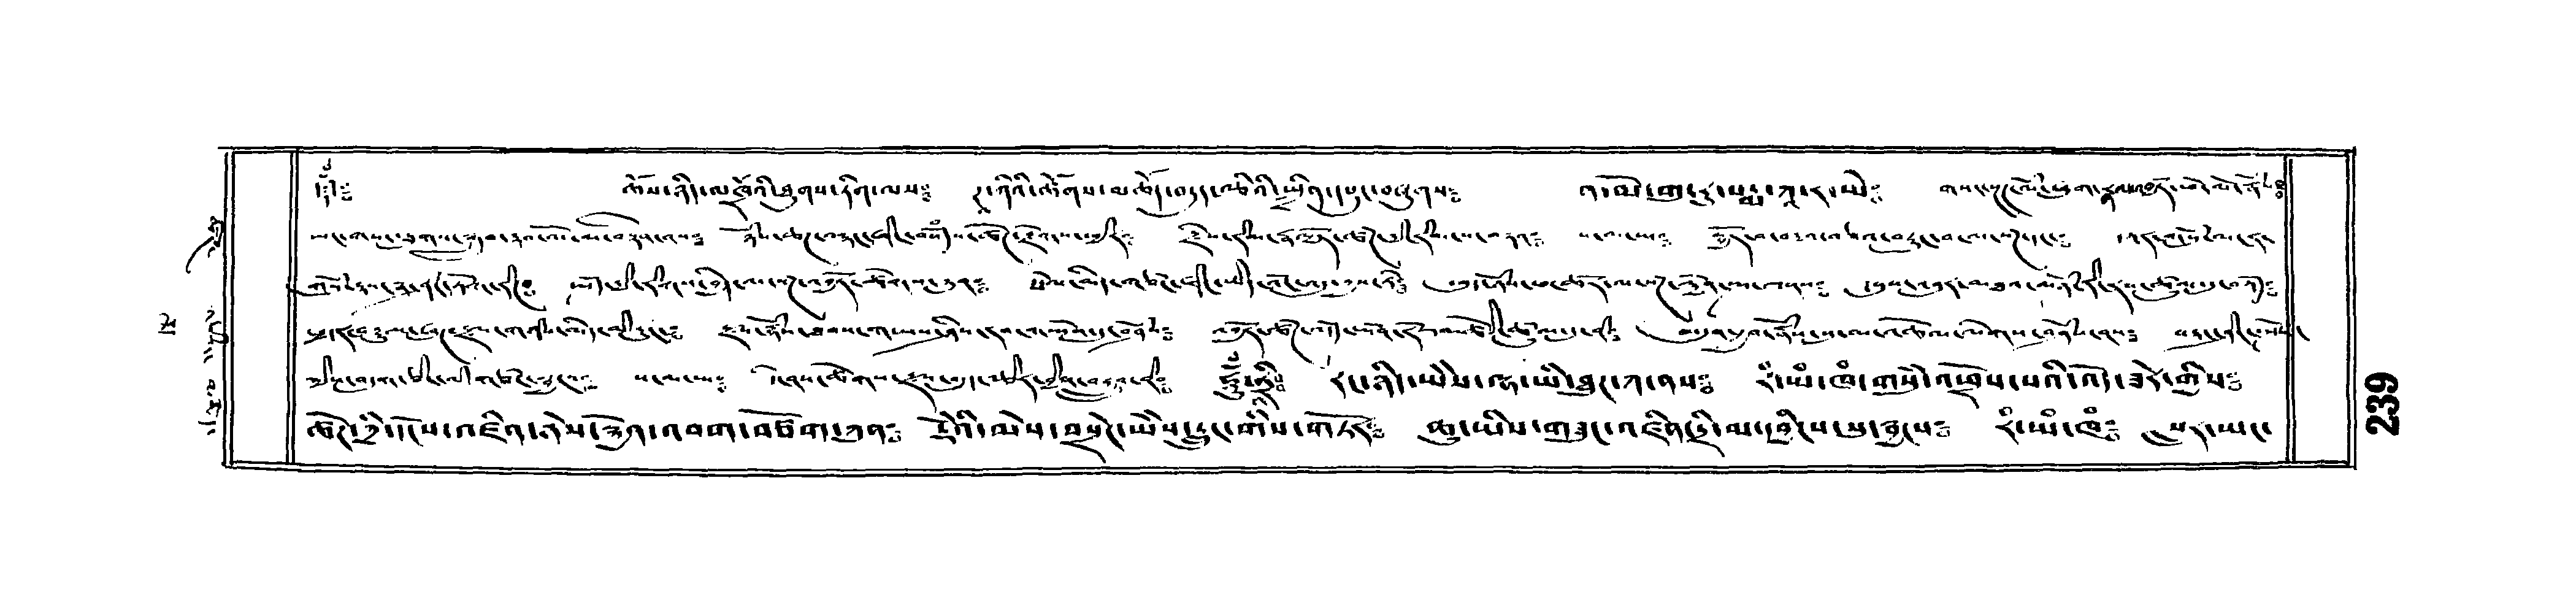ཆོས་ཉིད་མཁའ་འགྲོའི་ཐུགས་ཏིག་ལས༔ ཌཱ་ཀིའི་ཚོགས་མཆོད་བདུད་རྩིའི་སྤྲིན་དཔུང་བཞུགས༔ ན་མོ་གུ་རུ་པདྨ་ཀཱ་ར་ཡེ༔ གསང་སྔགས་ལམ་ཞུགས་རྣལ་འབྱོར་ཕོ་མོ་རྣམས༔ 
ཡང་གསང་ཐུགས་སྒྲུབ་ཟབ་མོ་ལ་བརྟེན་ནས༔ ཉམས་ཆགས་བསྐང་ཞིང་བསོད་ནམས་ཚོགས་རྗོགས་ཕྱིར༔ རྗེས་རིམ་རྣལ་འབྱོར་ཚོགས་ཀྱི་རིམ་པ་བསྟན༔ ས་མ་ཡ༔ སྦྱོར་བ་བཟའ་བཅའ་བཏུང་བ་ལ་སོགས་དང༔ དཀར་གསུམ་མངར་
གསུམ་ཟས་སྣ་ཤིང་ཏོག་རིགས༔ སྤོད་ཀྱི་རིགས་བྱེད་ལ་སོགས་འབྱོར་ཚོགས་ཀུན༔ སེལ་མེད་གཙང་ཞིང་ཡིད་འོང་འདུ་བྱས་ཏེ༔ ཕུད་ཉམས་ཁ་ཚར་ལ་སོགས་སྐྱོན་སྤངས་ནས༔ དབུས་འབུར་མཐའ་མཉམ་རི་རབ་ཚུལ་དུ་བཀོད༔ 
ཁྱད་པར་བརྟུལ་ཞུགས་རྫས་གཉིས་མེད་མི་རུང༔ རྫས་རྣམས་ཐབས་གཡས་ཤེས་རབ་གཡོན་དུ་བཤམས༔ འབྱོར་ཚོགས་འདོད་ཡོན་རོལ་མཚོའི་ཚུལ་དུ་ནི༔ མདུན་རྒྱབ་རྣམས་སུ་མ་འཆོལ་ལེགས་བཤམས་ནས༔ བཟང་ཤིང་སྤོས་
ཀྱིས་བདུག་ཅིང་མི་གཙང་སྦྱངས༔ ས་མ་ཡ༔ དེ་ནས་ཚོགས་རྫས་བདུད་རྩིར་བྱིན་བརླབ་ནི༔ ཧཱུྃ་ཧྲཱིཿ རང་ཉིད་ཡེ་ཤེས་ལྷ་ཡི་ཐུགས་ཀ་ནས༔ རཾ་ཡཾ་ཁཾ་གསུམ་འཕྲོས་པའི་འོད་ཟེར་གྱིས༔ 
ཚོགས་ཀྱི་དངོས་འཛིན་ཉེས་སྐྱོན་འབག་བཙོག་ཀུན༔ རྡོ་རྗེའི་མེས་བསྲེགས་ཡེ་ཤེས་རླུང་གིས་གཏོར༔ ཆུ་ཡིས་གཟུང་འཛིན་དྲི་མ་དབྱིངས་སུ་སྦྱངས༔ རྃ་ཡྃ་ཁྃ༔ སླར་ཡང་